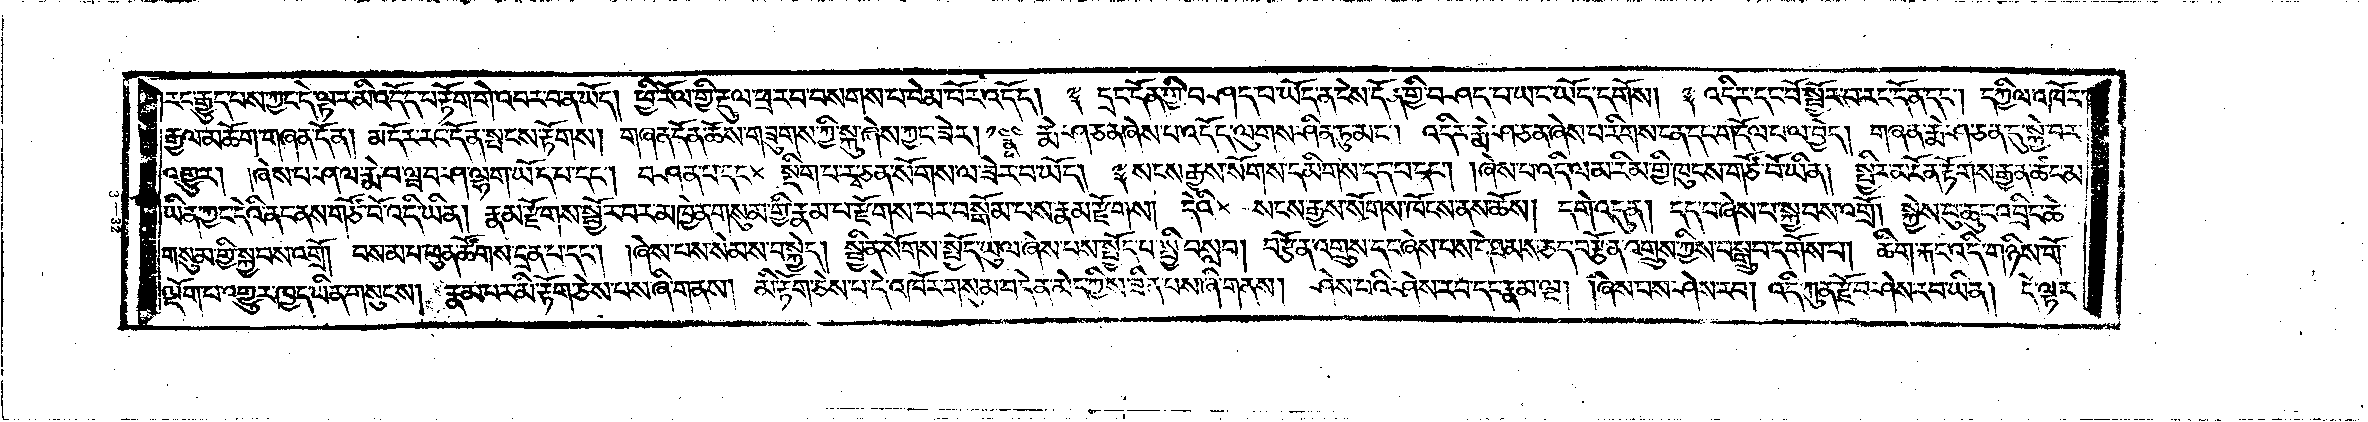རང་རྒྱུད་བས་ཀྱང་དེ་ལྟར་མི་འདོད་པ་རྟོག་གེ་འབར་བ་ན་ཡོད། ཕྱི་རོལ་གྱི་རྡུལ་ཕྲ་རབ་བསགས་པ་བེམ་པོར་འདོད། ༈ དྲང་དོན་གྱི་བཤད་པ་ཡོད་ན་ངེས་དོན་གྱི་བཤད་པ་ཡང་ཡོད་དགོས། ༈ འདིར་དང་པོ་སྦྱོར་བ་རང་དོན་དང་། དཀྱིལ་འཁོར་
རྒྱལ་མཆོག་གཞན་དོན། མདོར་རང་དོན་སྤངས་རྟོགས། གཞན་དོན་ཆོས་གཟུགས་ཀྱི་སྐུ་ཞེས་ཀྱང་ཟེར། ༡༤༤ན༥་རྨེ་ཤ་ཅན་ཞེས་པ་འདོད་ལུགས་ཤིན་ཏུ་མང་། འདིར་རྨེ་ཤ་ཅན་ཞེས་པ་རིགས་ངན་དང་གདོལ་བ་ལ་བྱེད། གཞན་རྨེ་ཤ་ཅན་དུ་སྐྱེ་བར་
འགྱུར། །ཞེས་པ་ཤ་ལ་རྨེ་བ་ཝ་བ་ཤ་ལྷག་ཡོད་པ་དང་། བཤན་པ་དང་྾་སྡིག་པ་རྭ་ཅན་སོགས་ལ་ཟེར་བ་ཡོད། ༈ སངས་རྒྱས་སོགས་དམིགས་དད་པ་དང་། །ཞེས་པ་འདི་ལམ་རིམ་གྱི་ཁུངས་གཙོ་བོ་ཡིན། སྤྱིར་མངོན་རྟོགས་རྒྱན་ཚང་མ་
ཡིན་ཀྱང་དེའི་ནང་ནས་གཙོ་བོ་འདི་ཡིན། རྣམ་རྫོགས་སྦྱོར་བར་མཁྱེན་གསུམ་གྱི་རྣམ་པ་རྫོགས་པར་བསྒོམ་པས་རྣམ་རྫོགས། དེའི་྾་སངས་རྒྱས་སོགས་ཁོངས་ནས་ཆོས། དགེ་འདུན། དད་པ་ཞེས་པ་སྐྱབས་འགྲོ། སྐྱེས་བུ་ཆུང་འབྲིང་ཆེ་
གསུམ་གྱི་སྐྱབས་འགྲོ། བསམ་པ་ཕུན་ཚོགས་དྲན་པ་དང་། །ཞེས་པས་སེམས་བསྐྱེད། སྦྱིན་སོགས་སྤྱོད་ཡུལ་ཞེས་པས་སྤྱོད་པ་སྤྱི་བསླབ། བརྩོན་འགྲུས་དང་ཞེས་པས་དེ་ཐམས་ཅད་བརྩོན་འགྲུས་ཀྱིས་བསྒྲུབ་དགོས་པ། ཚིག་རྐང་འདི་གཉིས་གོ་
ལྡོག་པ་འགྱུར་ཁྱད་ཡིན་གསུངས། རྣམ་པར་མི་རྟོག་ཅེས་པས་ཞི་གནས། མི་རྟོག་ཅེས་པ་དེ་འཁོར་གསུམ་བདེན་མེད་ཀྱིས་ཟིན་པས་ཞི་གནས། ཤེས་པའི་ཤེས་རབ་དང་རྣམ་ལྔ། །ཞེས་པས་ཤེས་རབ། འདི་ཀུན་རྫོབ་ཤེས་རབ་ཡིན། དེ་ལྟར་